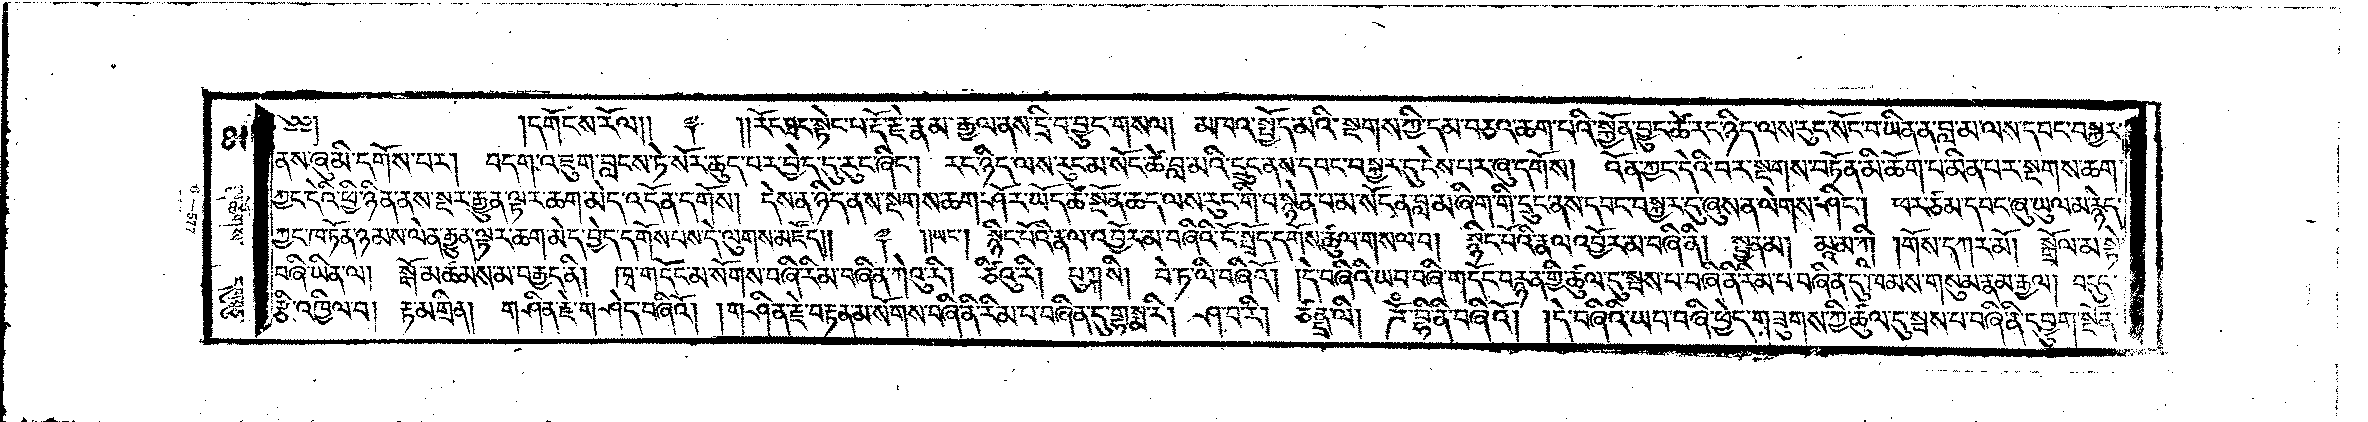༄༅། །དགོངས་རོལ།། ༈ །།རོང་ཐང་སྟེང་པ་རྡོ་རྗེ་རྣམ་རྒྱལ་ནས་དྲི་བ་བྱུང་གསལ། མཁའ་སྤྱོད་མའི་སྔགས་ཀྱི་དམ་བཅའ་ཆག་པའི་སྐྱོན་བྱུང་ཚེ་རང་ཉིད་ལས་རུང་སོང་བ་ཡིན་ན་བླ་མ་ལས་དབང་བསྐྱར་
ནས་ཞུ་མི་དགོས་པར། བདག་འཇུག་བླངས་ཏེ་སོར་ཆུད་པར་བྱེད་དུ་རུང་ཞིང་། རང་ཉིད་ལས་རུང་མ་སོང་ཚེ་བླ་མའི་དྲུང་ནས་དབང་བསྐྱར་དུ་ངེས་པར་ཞུ་དགོས། འོན་ཀྱང་དེའི་བར་སྔགས་བཏོན་མི་ཆོག་པ་མིན་པར་སྔགས་ཆག་
ཀྱང་དེའི་ཕྱི་ཉིན་ནས་སྔར་རྒྱུན་ལྟར་ཆག་མེད་འདོན་དགོས། དེས་ན་ཉིད་ནས་སྔགས་ཆག་ཤོར་ཡོད་ཚེ་སྔོན་ཆད་ལས་རུང་གི་བསྙེན་པ་མ་སོང་ན་བླ་མ་ཞིག་གི་དྲུང་ནས་དབང་བསྐྱར་དུ་ཞུས་ན་ལེགས་ཤིང་། ཕར་ཙམ་དབང་ཞུ་ཡུལ་མ་རྙེད་
ཀྱང་ཁ་ཏོན་ཉམས་ལེན་རྒྱུན་ལྟར་ཆག་མེད་བྱེད་དགོས་པས་དེ་ལུགས་མཛོད།། ༈ །།ཡང་།  སྙིང་པོའི་རྣལ་འབྱོར་མ་བཞིའི་ངོ་སྤྲོད་དགོས་ཚུལ་གསལ་བ། སྙིང་པོའི་རྣལ་འབྱོར་མ་བཞི་ནི། སྤྱན་མ། མཱ་མ་ཀཱི །གོས་དཀར་མོ། སྒྲོལ་མ་སྟེ་
བཞི་ཡིན་ལ། སྒོ་མཚམས་མ་བརྒྱད་ནི། ཁྭ་གདོང་མ་སོགས་བཞི་རིམ་བཞིན་ཀེའུ་རི། ཙིའུ་རི། པུཀྐསི། བེ་ཏ་ལི་བཞིའོ། །དེ་བཞིའི་ཡབ་བཞི་གདོང་བརྙན་གྱི་ཚུལ་དུ་སྦས་པ་བཞི་ནི་རིམ་པ་བཞིན་དུ་ཁམས་གསུམ་རྣམ་རྒྱལ། བདུད་
རྩི་འཁྱིལ་བ། རྟ་མགྲིན། གཤིན་རྗེ་གཤེད་བཞིའོ། །གཤིན་རྗེ་བརྟན་མ་སོགས་བཞི་ནི་རིམ་པ་བཞིན་དུ་གྷསྨ་རི། ཤ་བ་རི། ཙནྡྲ་ལི། ཌོཾ་བྷི་ནི་བཞིའོ། །དེ་བཞིའི་ཡབ་བཞི་ཕྱེད་གཟུགས་ཀྱི་ཚུལ་དུ་སྦས་པ་བཞི་ནི་དབྱུག་སྔོན་